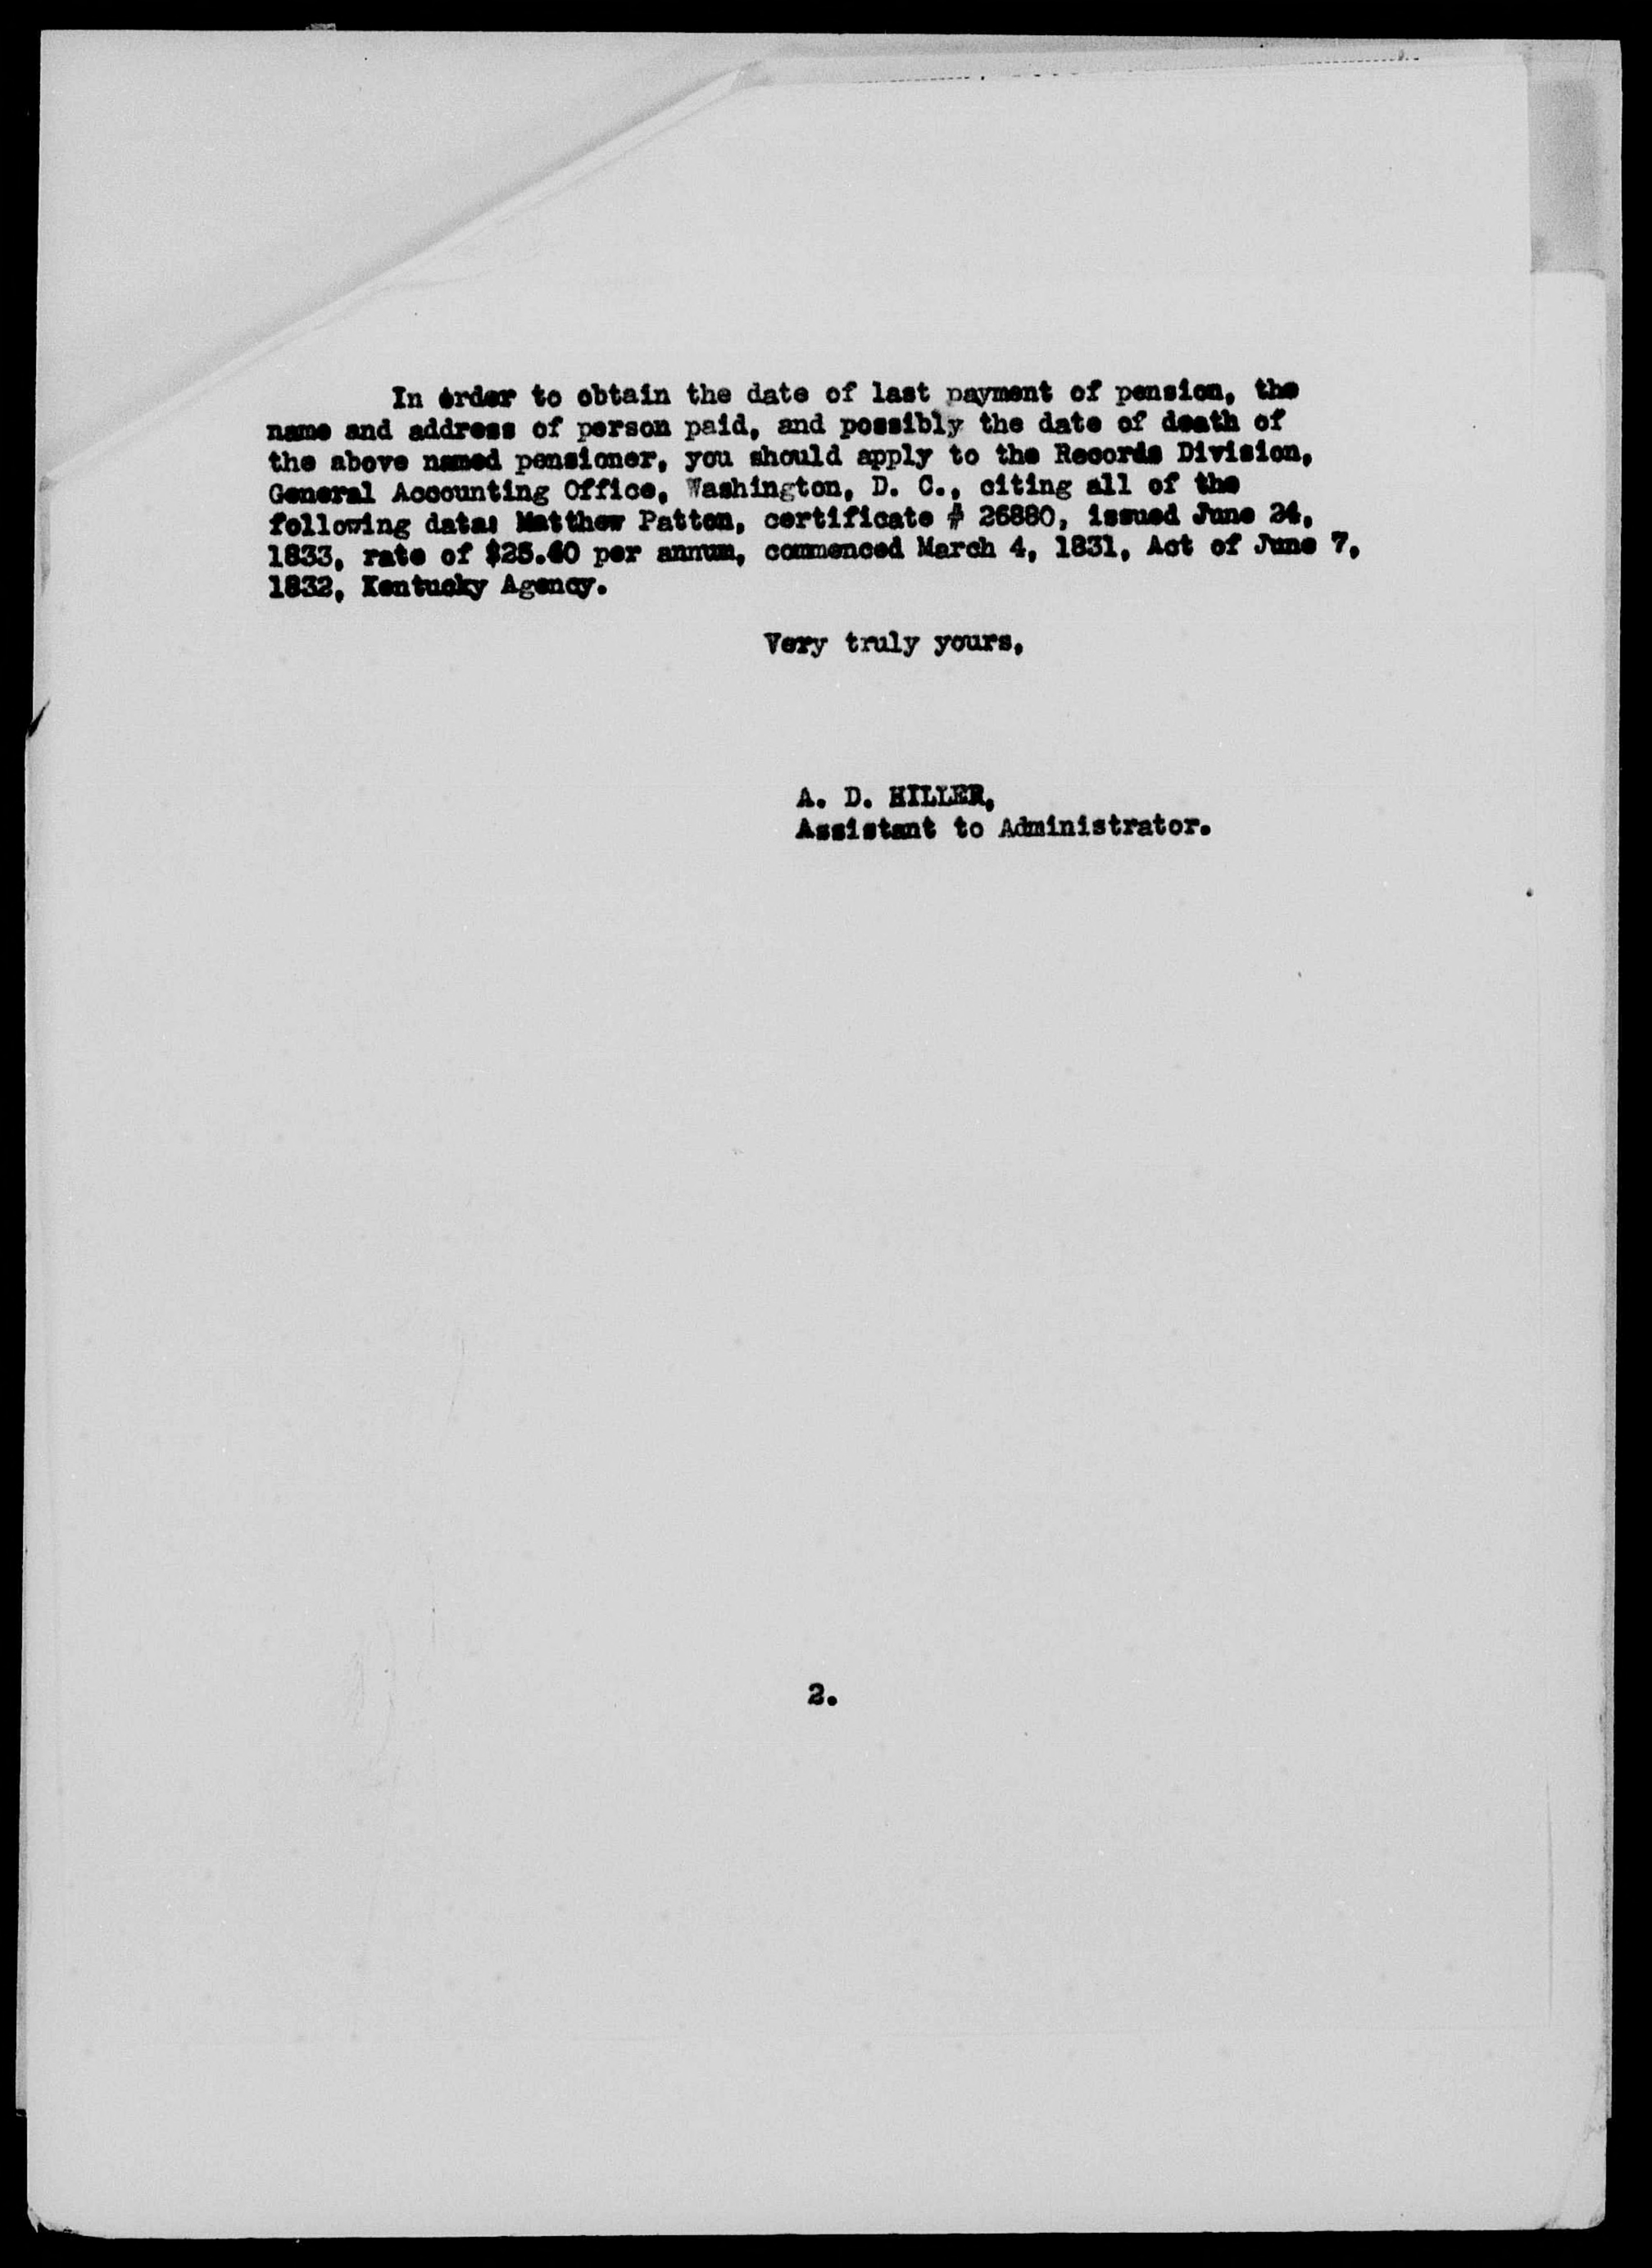In order to obtain the date of last payment of pension, the name and address of person paid, and possibly the date of death of the above named pensioner, you should apply to the Records Division, General Accounting Office, Washington, D.C., citing all of the following data: Matthew Patton, certificate #30680, issued June 24, 1823, rate of $26.60 per annum, commenced March 4, 1831, Act of June 7, 1832, Kentucky Agency.

Very truly yours,

A. D. Hills,
Assistant to Administrator.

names: Matthew Patton; A D Hiller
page: 43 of 45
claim: survivor's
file: S. 31294, for Matthew Patton, Maryland